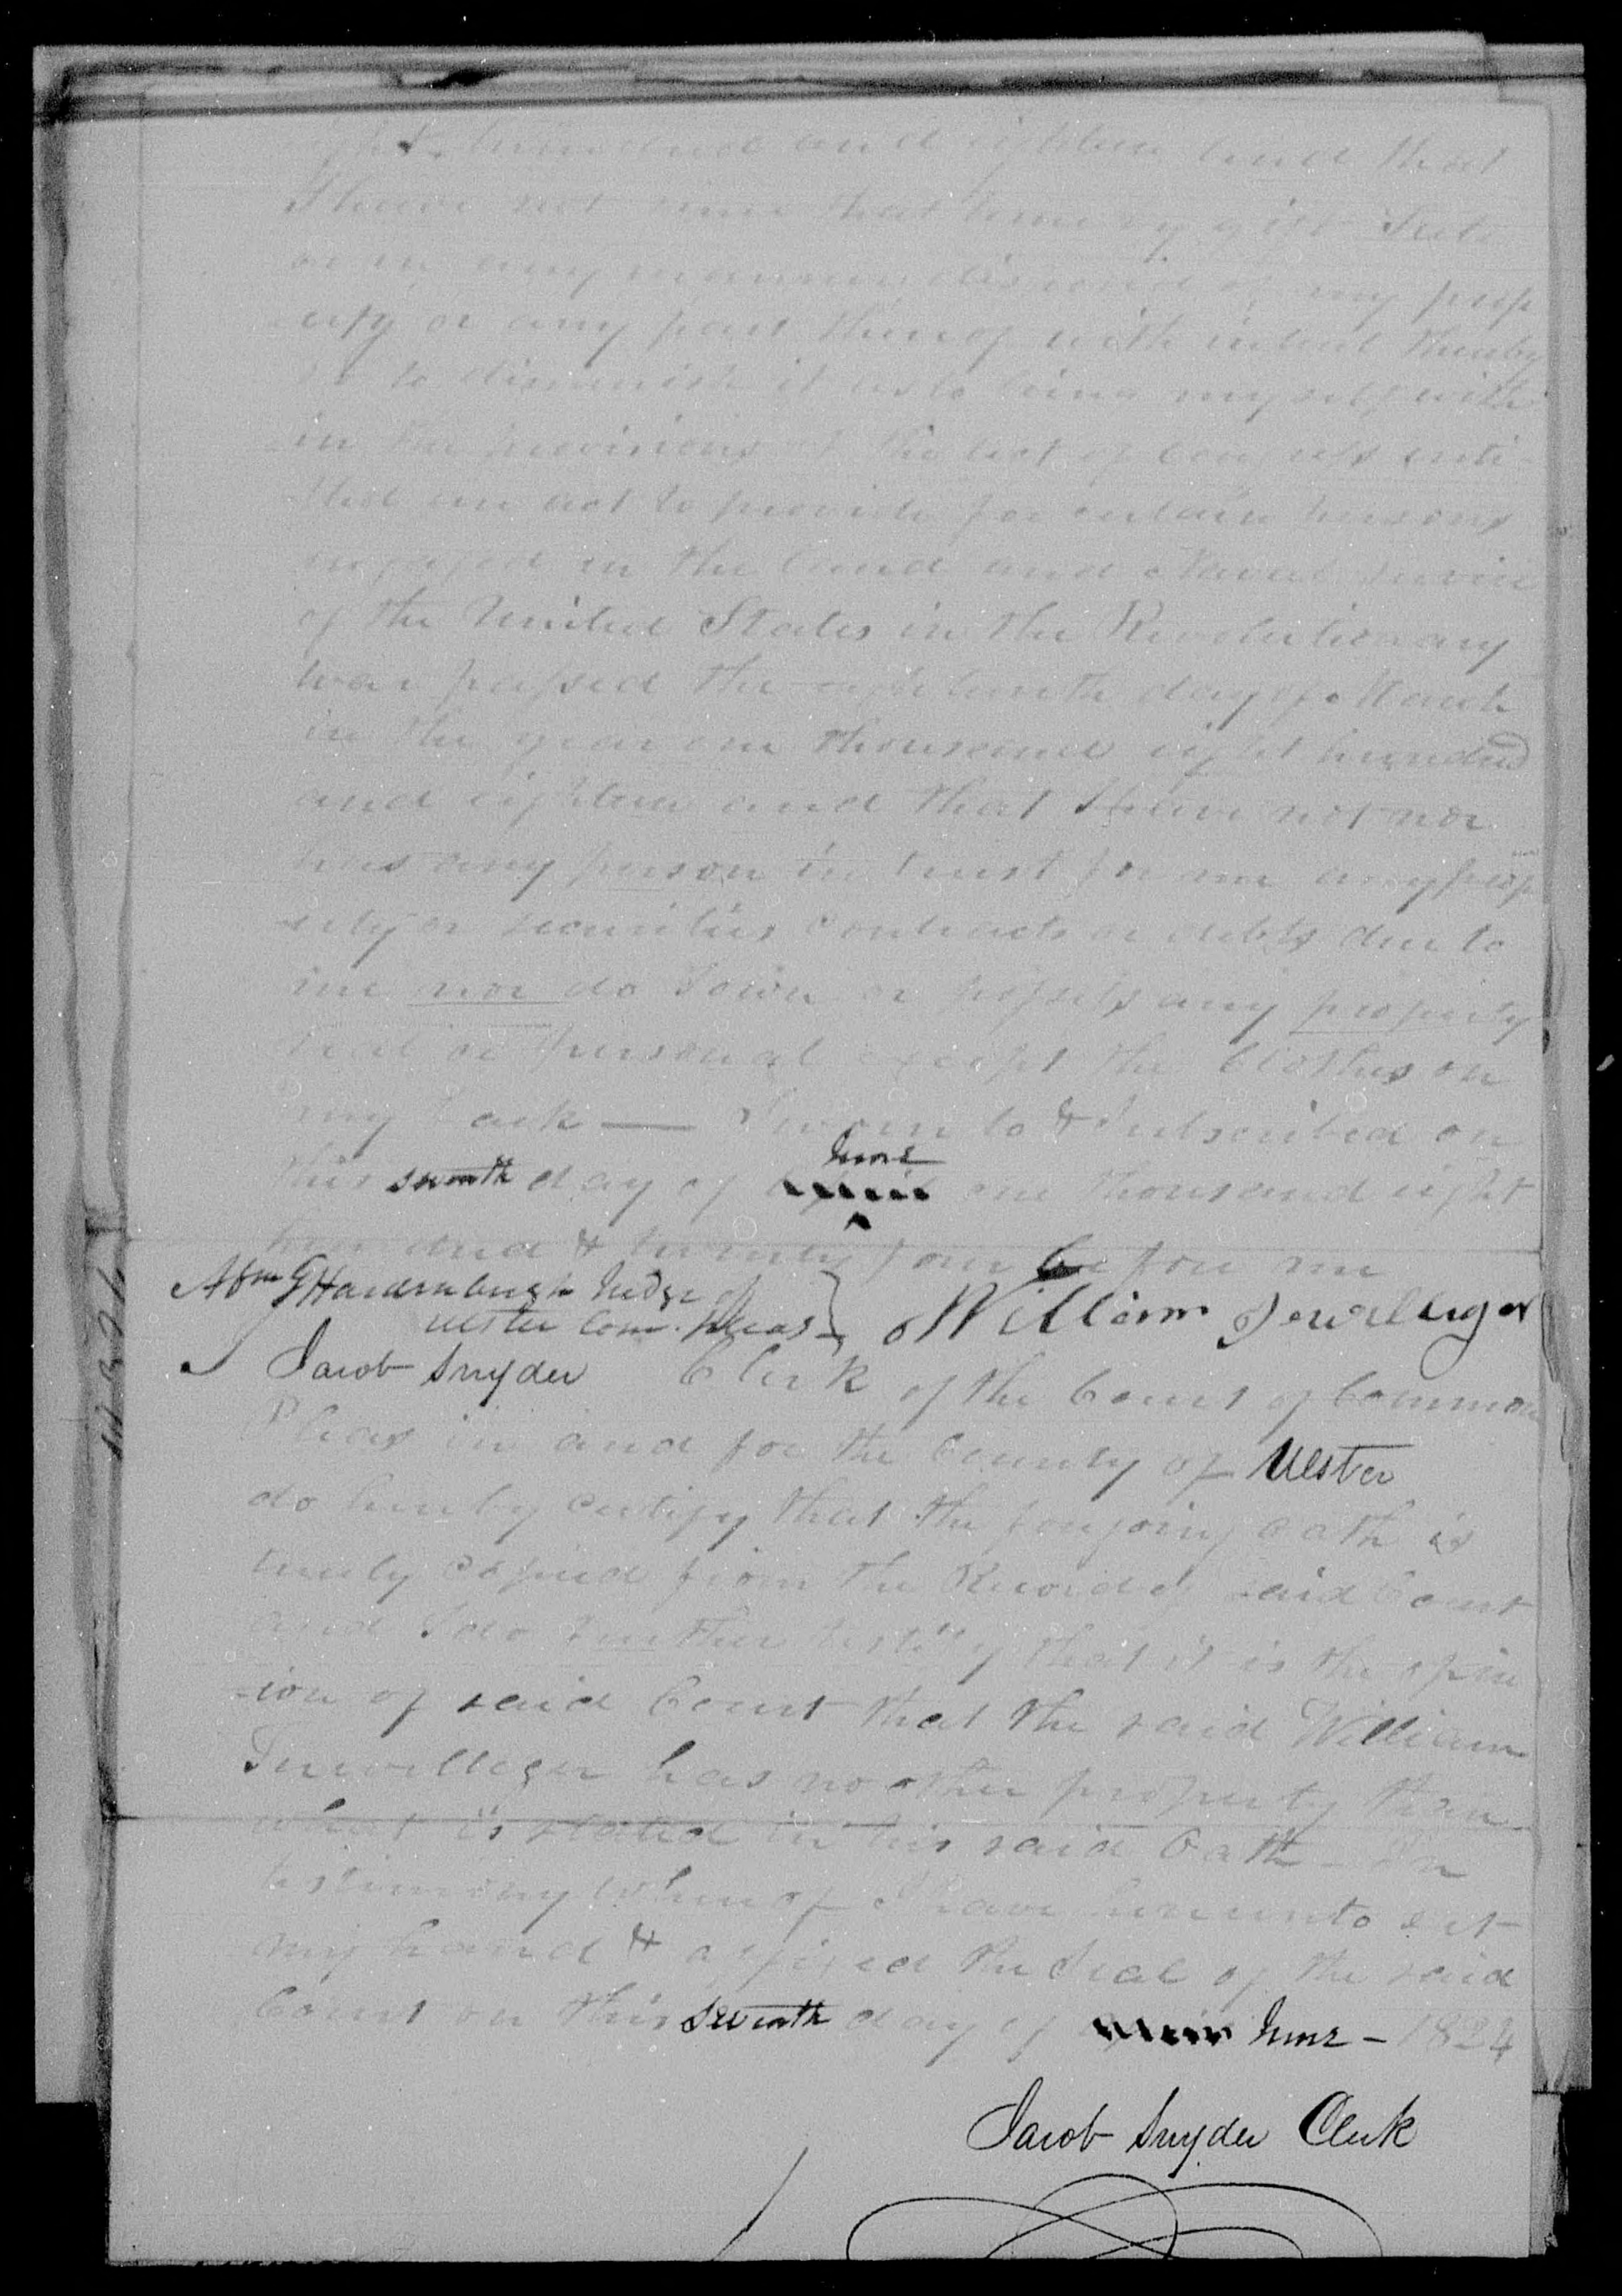hundred and ten and that
I have not time that he is set
city or any part thereof with in that thereby
to disquish it as to bring myself with
vines
left herself to
lest an act to provide for certain persons
in the land and Navy
of the United States in the Revolutionary
war passed the eightieth day of March
in the year one thousand eight hundred
and eighteen and that I have not nor
has any person in trust for me any
or securities contracts or debts due to
in our do I own or possess any property
real or personal except the Clothes on
his back 
sworn & Subscribed on
this seventh day of June one thousand eight
hundred & twenty four before me
Hardenburgh Judge of
Ulster Common pleas  
Jacob Snyder
William Terwilliger

Clerk of the Court of Common Pleas
in and for the County of Ulster
do hereby certify that the foregoing oath is
truly copied from the Record of said Court
do further certify that it is the opinion of said Court that the said William
Terwilliger has no other property that
that is noted in his said Oath of
testimony whereof I have hereunto set
my hand & affixed the Seal of the said
Court on this seventh day of June 1824

Jacob Snyder Clerk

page: 6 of 64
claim: survivor's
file: S. 42,464, for William Terwilliger, New York